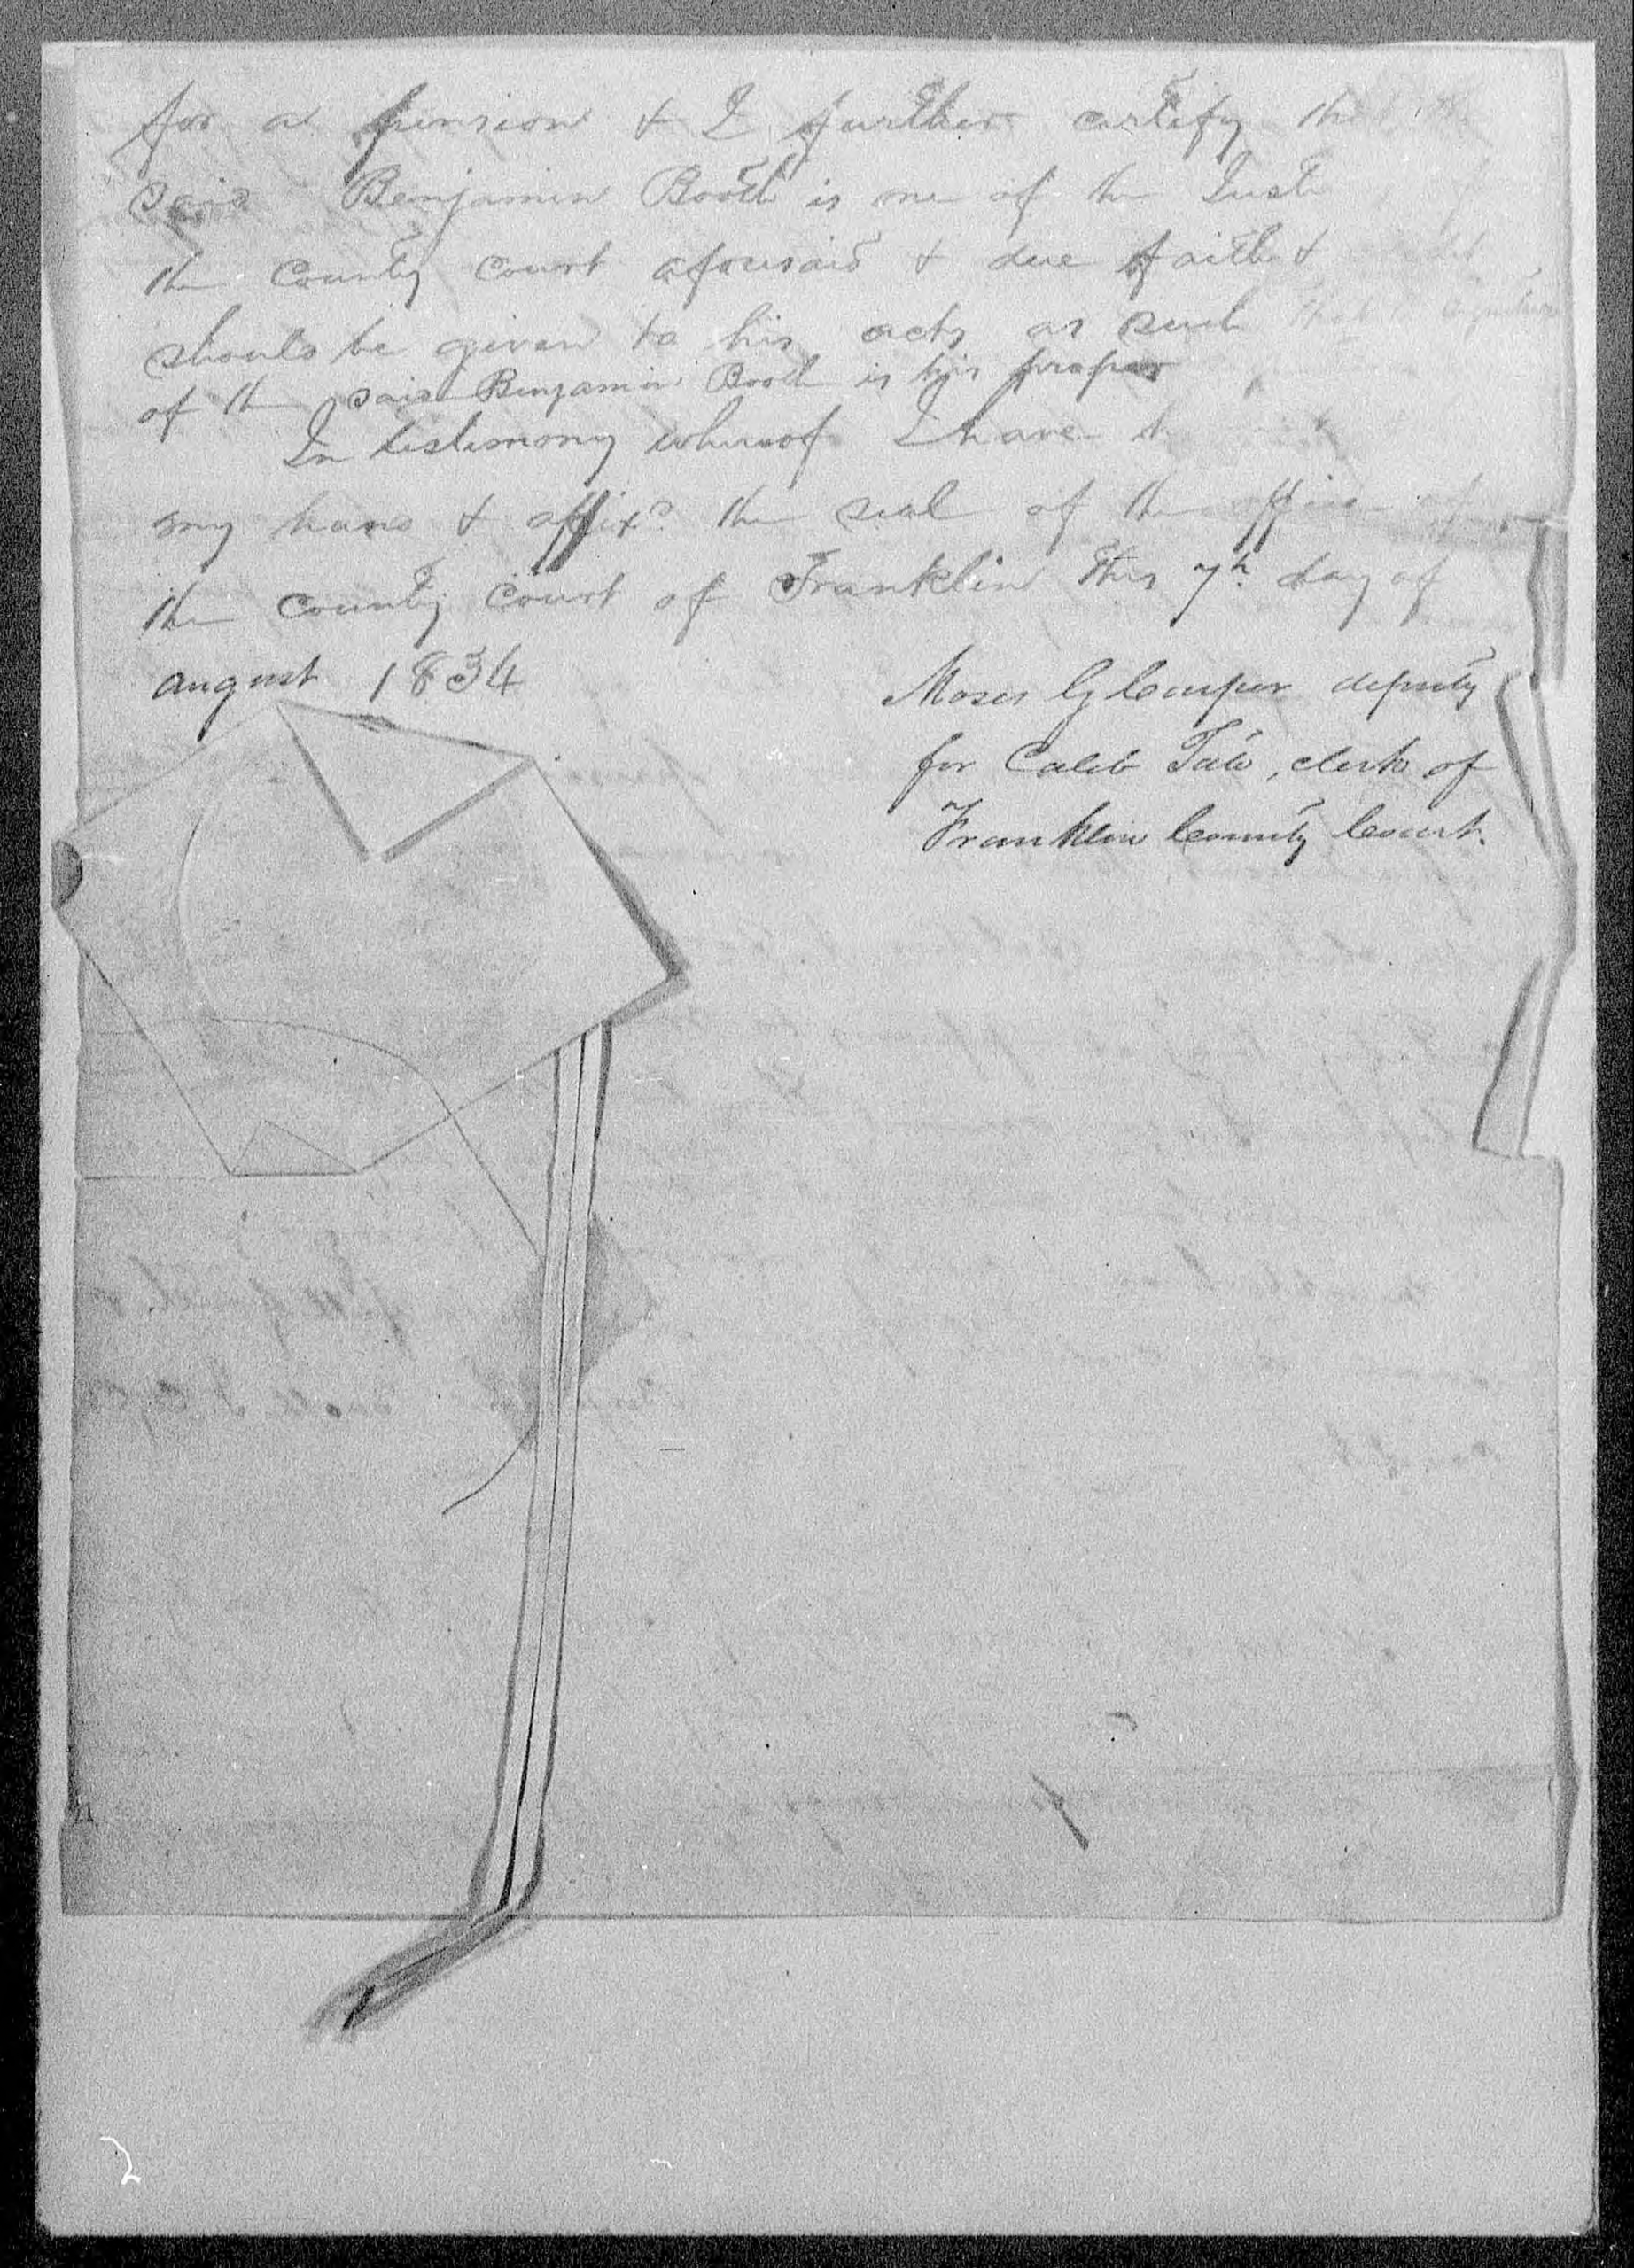as a pension & I further certify the [illegible]
Benjamin Booth is one of the Just [illegible]
County Court aforesaid & due faith & [illegible]
to be given to his acts as said of Benjamin Booth in his proper testimony whereof I have say my
hand & affix the seal of the office [illegible] the
County Court of Franklin this 7th day of
August 1834
Moses G Carper deputy
for Caleb Tate, clerk of
Franklin County Court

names: Benjamin Booth, Caleb Tate, Moses G Carper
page: 7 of 25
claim: rejected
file: R. 1929, Robert Childress, Va